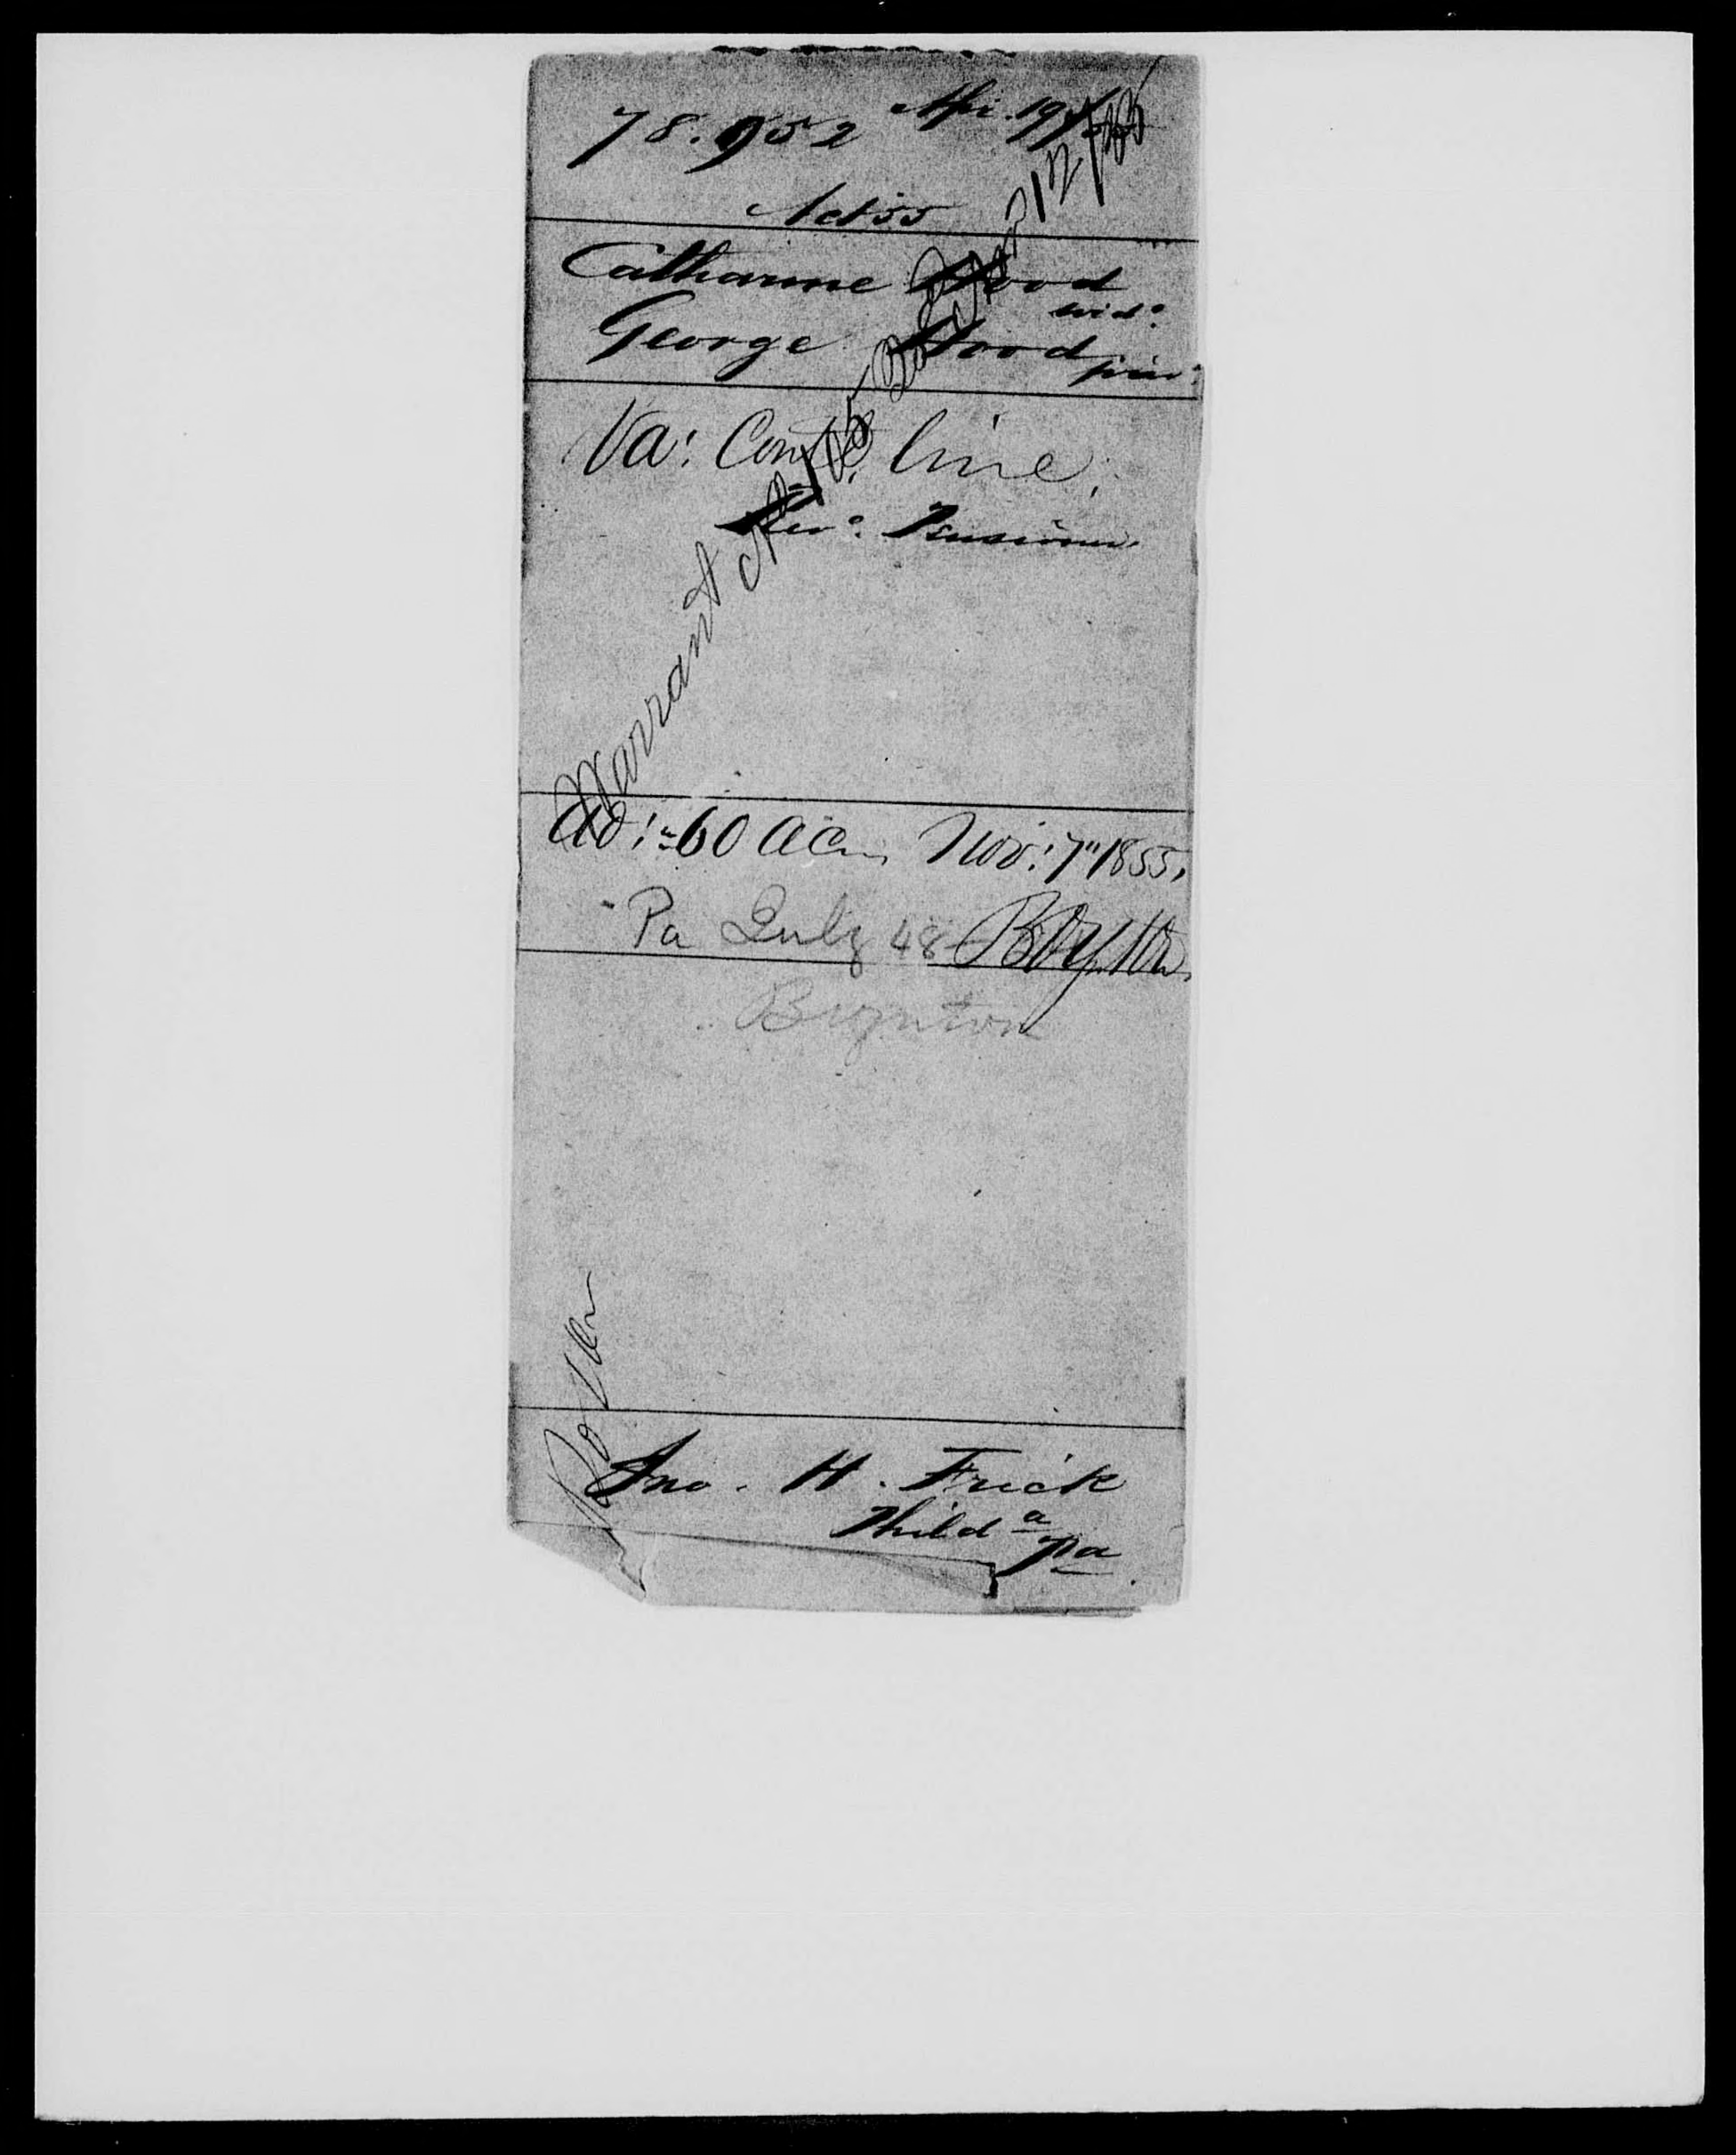April 19
78.952
Act 55
Catharine Hood
Geroge Hood
VA: Continental Line
[Illegible] Pension
[Illegible] November 7, 1835
PA July 1848 Boynton
Jno. H. Frick
Child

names: Catharine Hood, Boynton, George Hood, Jno H Frick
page: 3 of 51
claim: widow's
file: W 8939, George Hood, Continental Va.